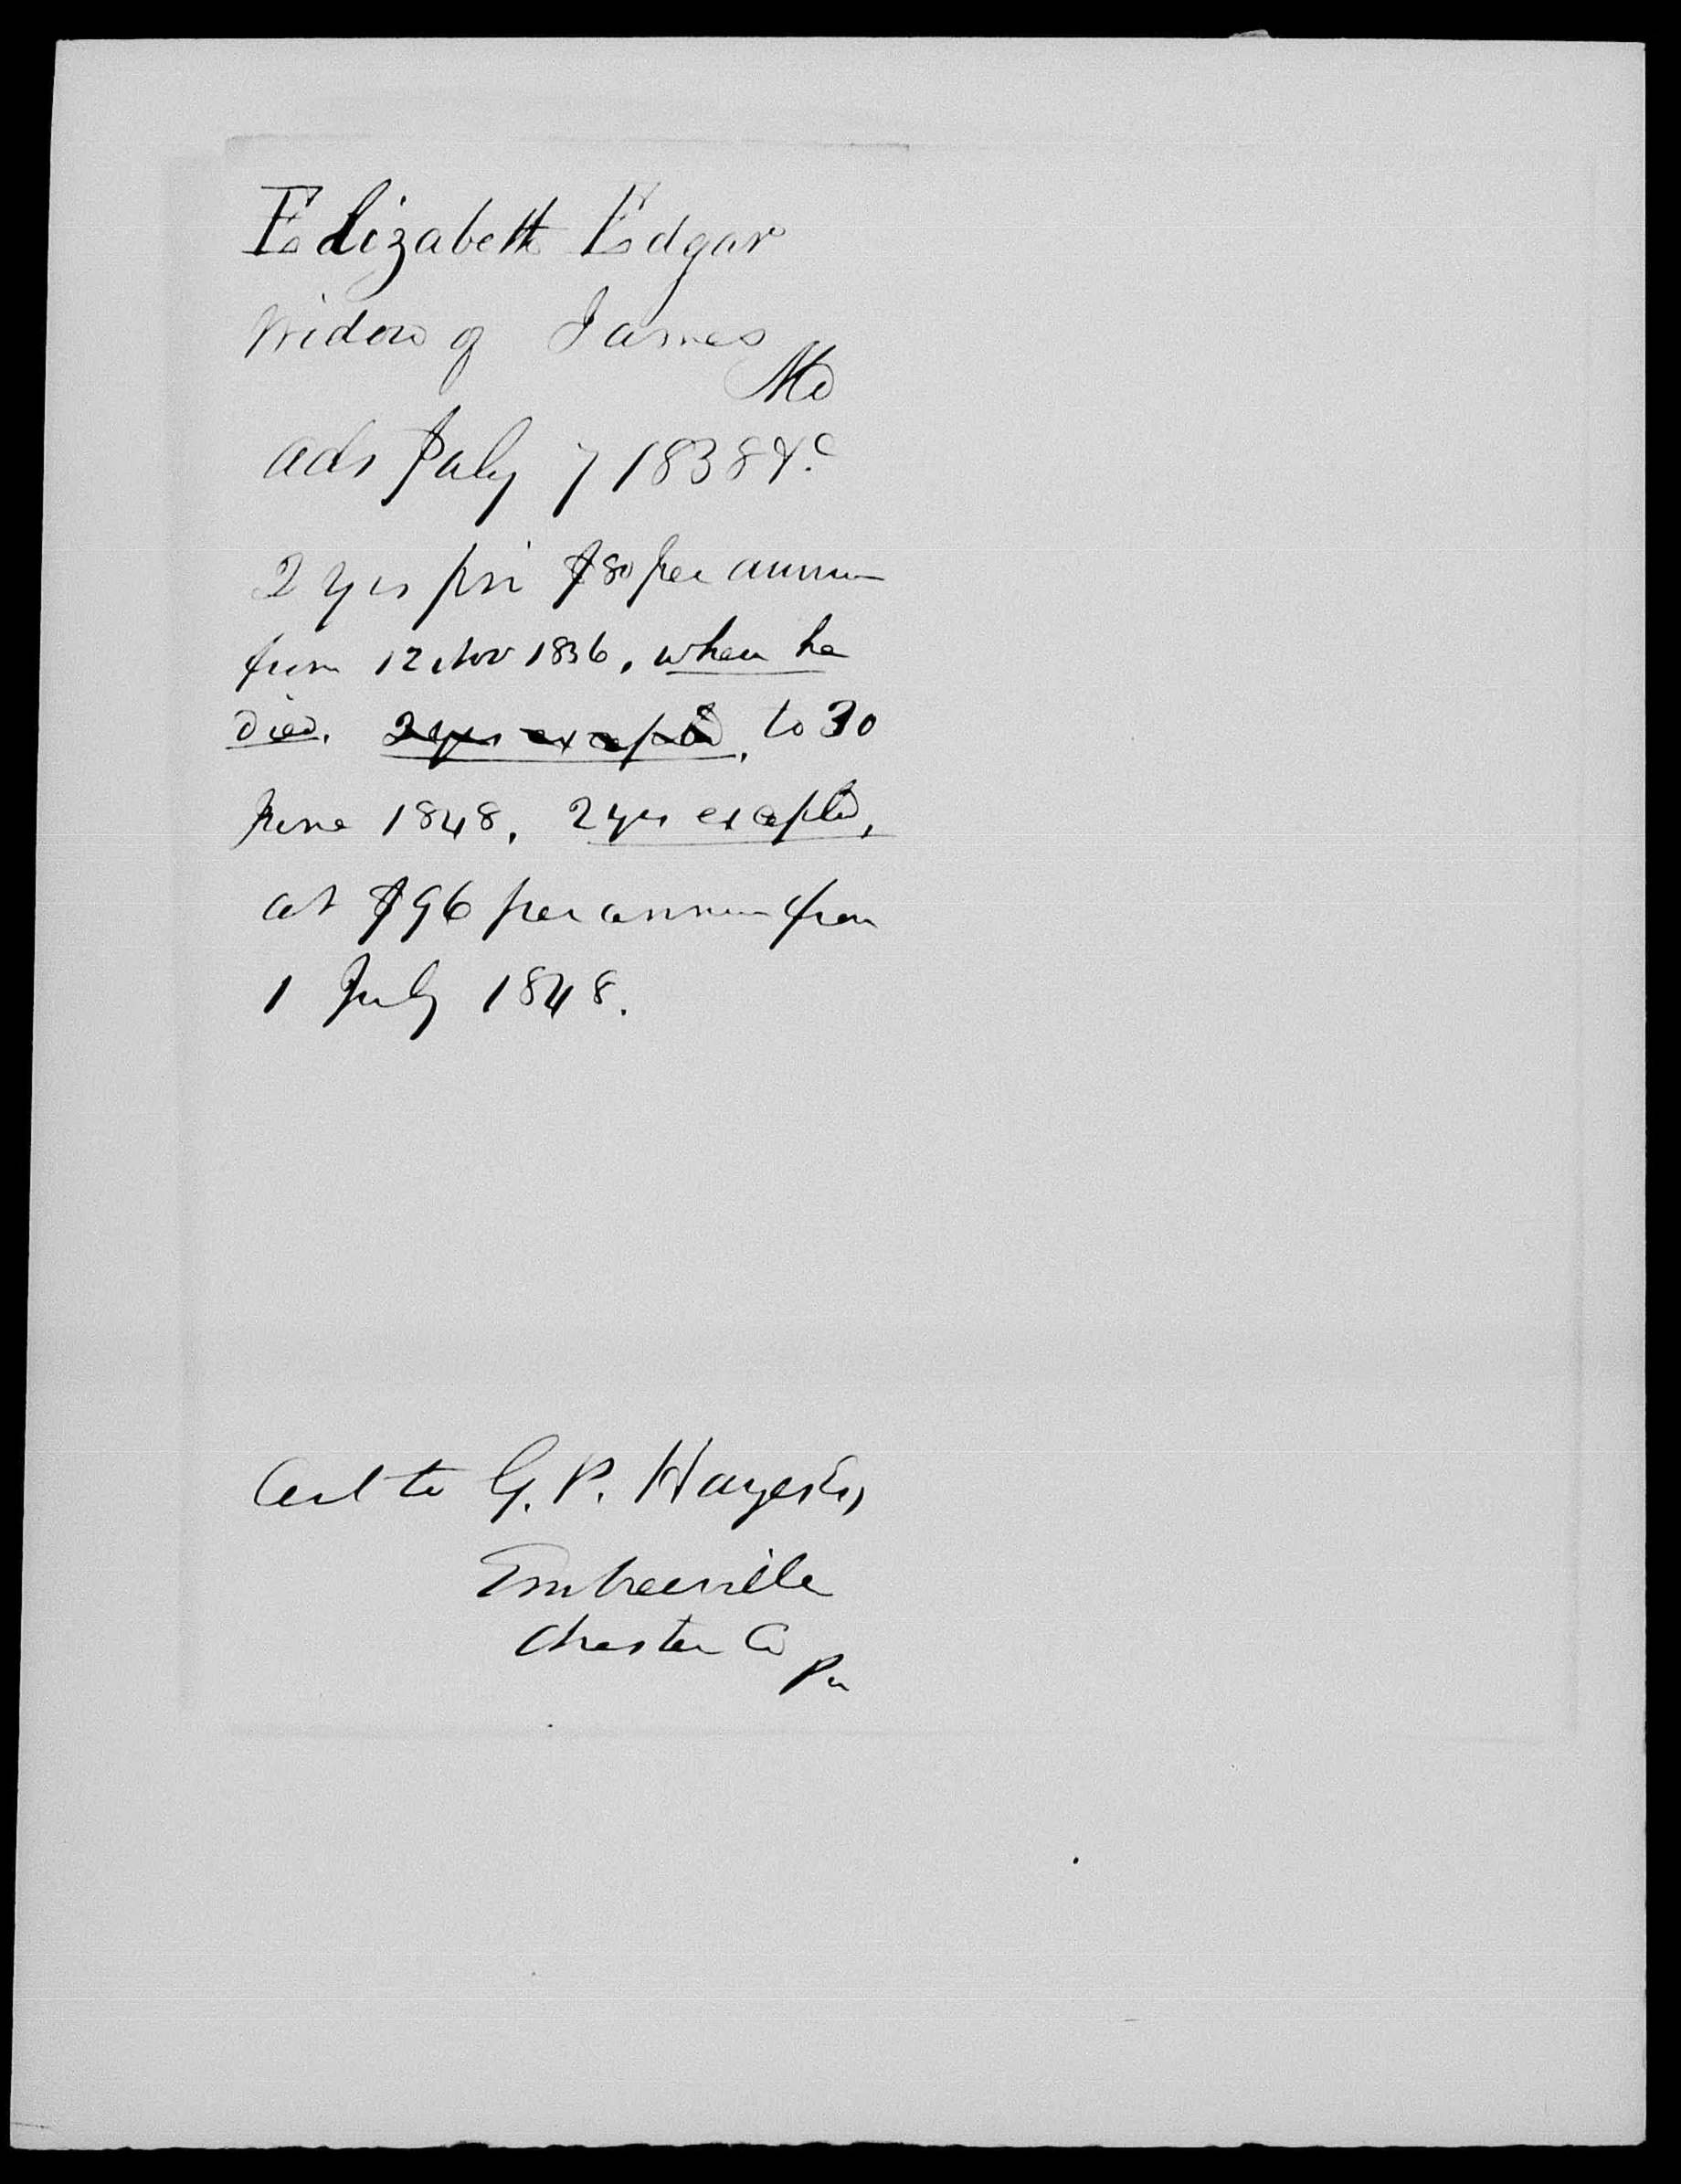Elizabeth Edgar
Widow of James
Mo
ads July 7 1838
2 ytd pri $80 per annum
from 12 Nov 1836, when he
died, except yo 30
June 1848, 2 yrs exceple, 
at $96 per annum from
1 July 1848.

Sent to G.P. Hayes
Embreeville
Chester Co P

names: Elizabeth Edgar, James Edgar, G P Hayes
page: 57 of 74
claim: widow's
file: W. 9422, James Edgar, Penn.